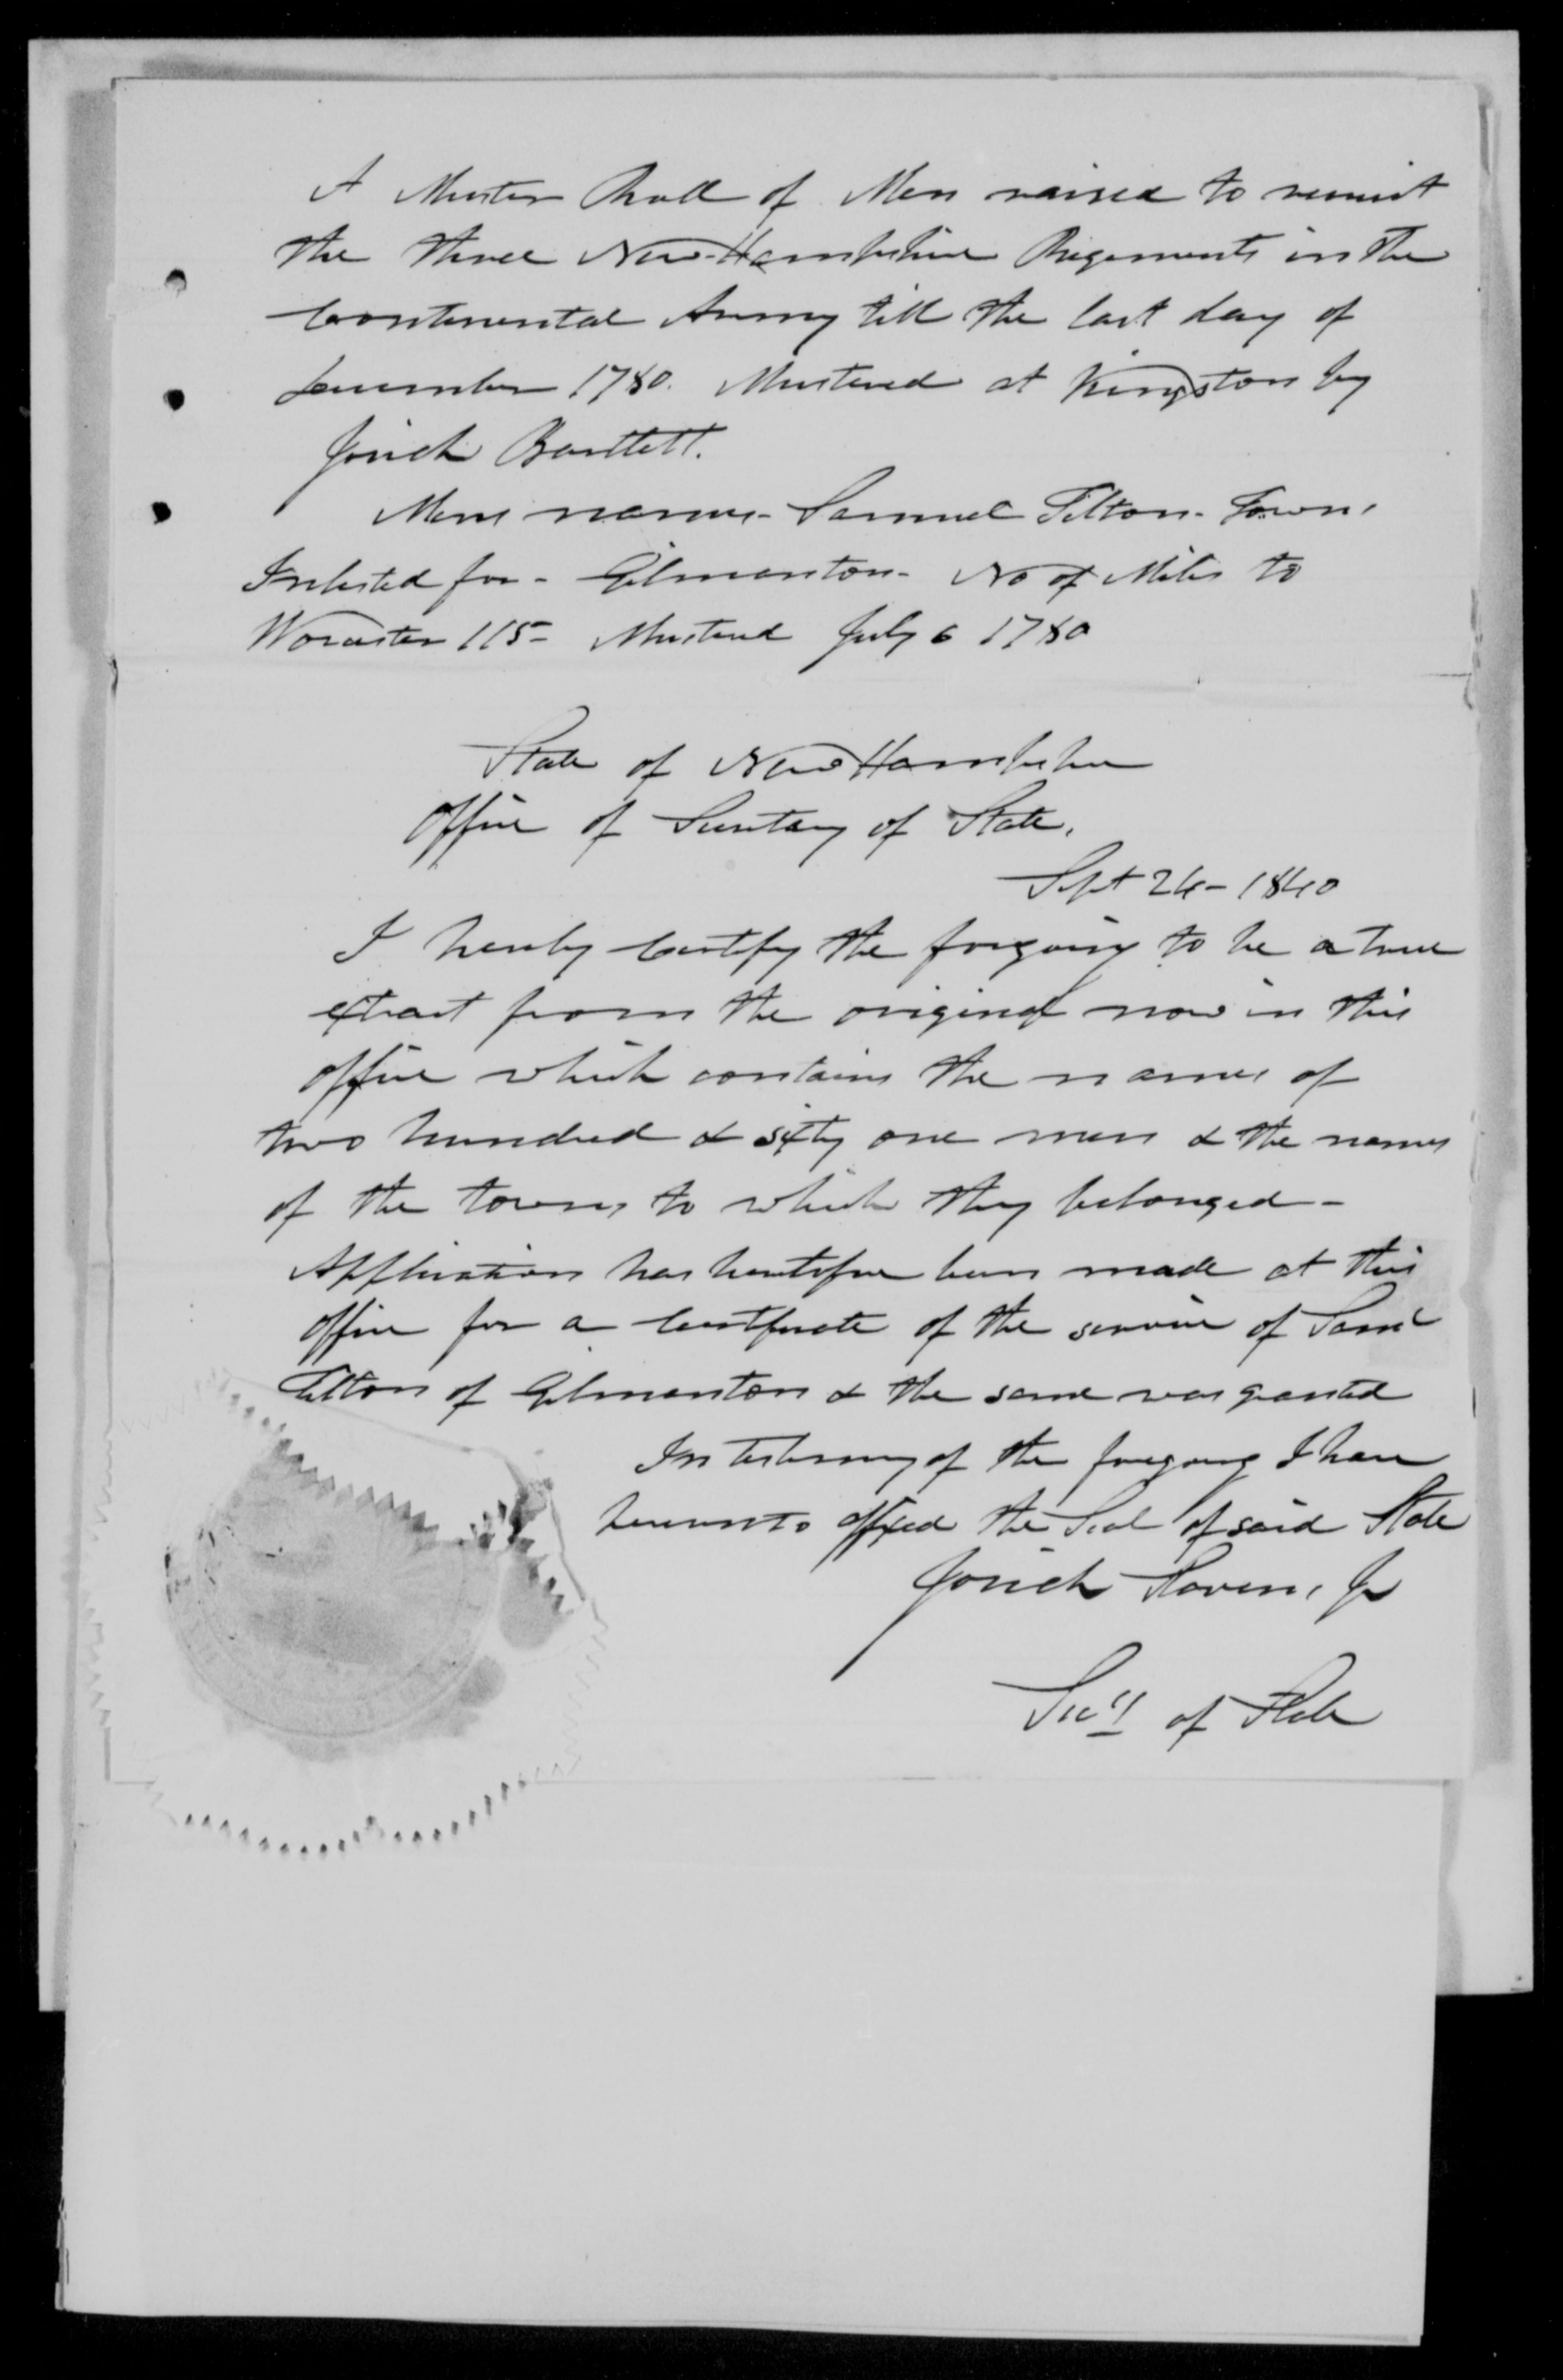A Muster Roll of Men raised to recruit the three New Hampshire Regiments in the Continental Army till the last day of December 1780. Mustered at Kingston by
Josiah Bartlett
Mens Names Samuel Tilton Town Inlisted for Gilmanton No of Miles to Worcester 115 Mustered July 6 1780

State of New Hampshire
Office of Secretary of State
Sept 24 1840
I hereby certify the foregoing to be a true extract from the original now in this office which contains the names of two hundred and sixty one men and the names
of the towns to which they belonged-
Application has heretofore been made at this office for a certificate of the service of Saml Tilton of Gilmanton and the same was granted
In testimony of the foregoing I have
hereunto affixed the Seal of said State
Josiah Stevens Jr
Secretary of State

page: 45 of 55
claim: widow's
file: W. 14,021, for Samuel Tilton, New Hampshire